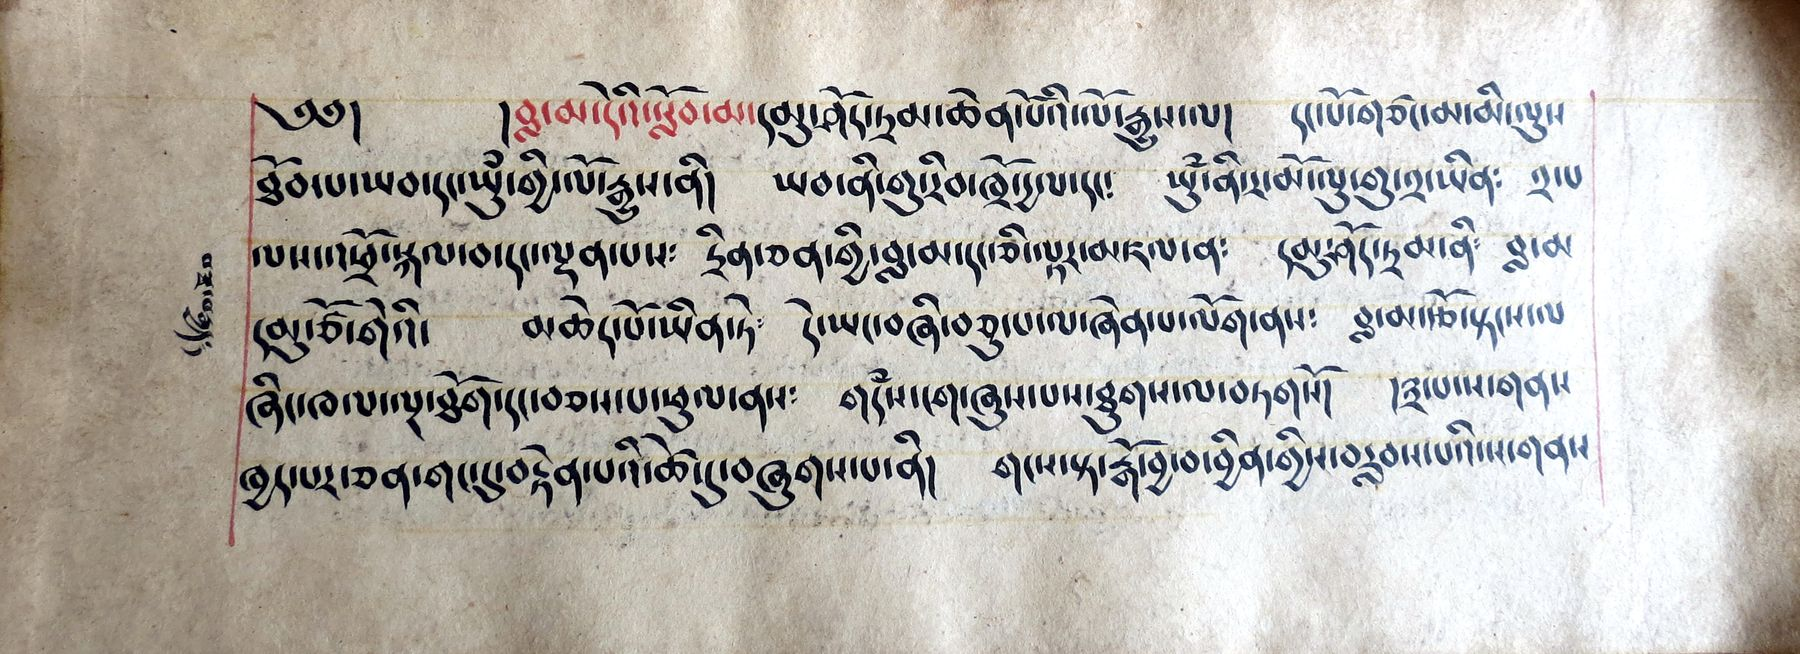བླ་མ་དེའི་སློབ་མ་དམུ་ཤོད་ཏྲམ་ཆེན་པོའི་ལོ་རྒྱུས་ལ་ལྔ། དང་པོ་གཙང་མ་མི་ལུས་
ཐོབ་པ་ཡབ་དང་ཡུམ་གྱི་ལོ་རྒྱུས་ནི། ཡབ་ནི་གུ་རིབ་ཁྲོ་རྒྱལ་དང་། ཡུམ་ནི་ར་མོ་ལུ་གུ་གཉིས་ཡིན། གཉིས་པ་
ལས་འཕྲོ་སྐལ་པ་དང་ལྡན་པས། དྲིན་ཅན་གྱི་བླ་མ་དང་ཅི་ལྟར་མཇལ་ན། དམུ་ཤོད་ཏྲམ་ནི། བླ་མ་
དམུ་ཙོག་གེའི་༼ཡབ་ཀྱི་དཔེ་གཞན་ལ་འདུག༽མཆེད་པོ་ཡིན་ཏེ། དེ་ཡང་བཞི་བཅུ་པ་ལ་ཞེན་པ་ལོག་ནས། བླ་མ་ཙོ་སྟངས་ལ་
ཞིང་ཁལ་ལྔ་ཐོག་དང་བཅས་པ་ཕུལ་ནས། གདམས་ངག་ཞུས་པས་ཐུགས་ལ་བཏགས་སོ། །གསུམ་པ་ས་གནས་
ཁྱད་པར་ཅན་གང་དུ་བརྟེན་པའི་ཚེ་དུ་བཞུགས་པ་ནི། གངས་རྟ་སྒོ་བྱ་བ་བྱིན་གྱིས་བརླབས་པའི་ས་གནས་